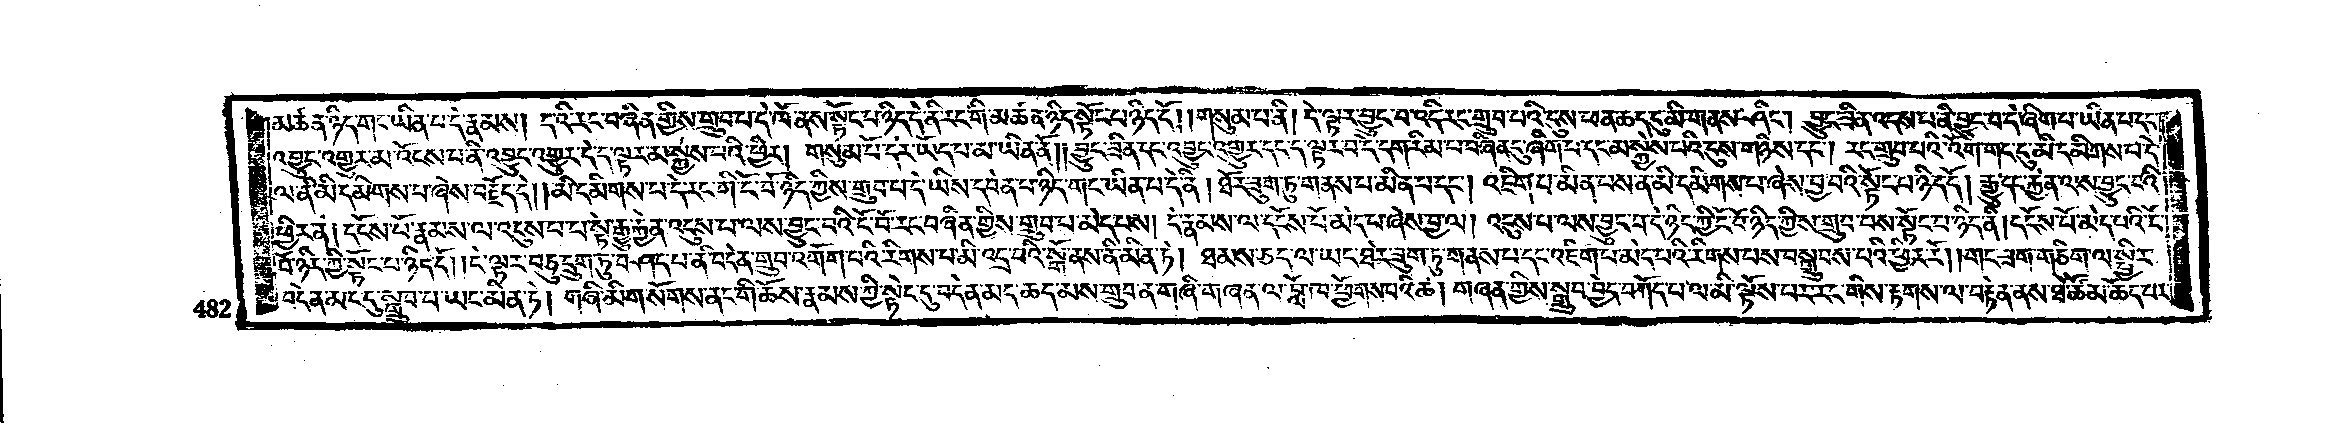མཚན་ཉིད་གང་ཡིན་པ་དེ་རྣམས། དེའི་རང་བཞིན་གྱིས་གྲུབ་པ་དེ་ཁོ་ནས་སྟོང་པ་ཉིད་དེ་ནི་རང་གི་མཚན་ཉིད་སྟོང་པ་ཉིད་དོ། །གསུམ་པ་ནི། དེ་ལྟར་བྱུང་བ་འདི་རང་གྲུབ་པའི་དུས་ཕན་ཆད་དུ་མི་གནས་ཤིང་། བྱུང་ཟིན་འདས་པ་ནི་བྱུང་བ་དེ་ཞིག་པ་ཡིན་པ་དང་
འབྱུང་འགྱུར་མ་འོངས་པ་ནི་འབྱུང་འགྱུར་དེ་ད་ལྟར་མ་སྐྱེས་པའི་ཕྱིར། གསུམ་པོ་དེར་ཡོད་པ་མ་ཡིན་ནོ། །བྱུང་ཟིན་དང་འབྱུང་འགྱུར་དང་ད་ལྟར་བ་དེ་དག་རིམ་པ་བཞིན་དུ་ཞིག་པ་དང་མ་སྐྱེས་པའི་དུས་གཉིས་དང་། རང་གྲུབ་པའི་འོག་གང་དུ་མི་དམིགས་པ་དེ་
ལ་ནི་མི་དམིགས་པ་ཞེས་བརྗོད་དོ། །མི་དམིགས་པ་དེ་རང་གི་ངོ་བོ་ཉིད་ཀྱིས་གྲུབ་པ་དེ་ཡིས་དབེན་པ་ཉིད་གང་ཡིན་པ་དེ་ནི། ཐེར་ཟུག་ཏུ་གནས་པ་མིན་པ་དང་། འཇིག་པ་མིན་པས་ན་མི་དམིགས་པ་ཞེས་བྱ་བའི་སྟོང་པ་ཉིད་དོ། རྒྱུ་དང་རྐྱེན་ལས་བྱུང་བའི་
ཕྱིར་ན། དངོས་པོ་རྣམས་ལ་འདུས་པ་པ་སྟེ་རྒྱུ་རྐྱེན་འདུས་པ་ལས་བྱུང་བའི་ངོ་བོ་རང་བཞིན་གྱིས་གྲུབ་པ་མེད་པས། དེ་རྣམས་ལ་དངོས་པོ་མེད་པ་ཞེས་བྱ་ལ། འདུས་པ་ལས་བྱུང་བ་དེ་ཉིད་ཀྱི་ངོ་བོ་ཉིད་ཀྱིས་གྲུབ་པས་སྟོང་པ་ཉིད་ནི། དངོས་པོ་མེད་པའི་ངོ་
བོ་ཉིད་ཀྱི་སྟོང་པ་ཉིད་དོ། །དེ་ལྟར་བཅུ་དྲུག་ཏུ་བཤད་པ་ནི་བདེན་གྲུབ་འགོག་པའི་རིགས་པ་མི་འདྲ་བའི་སྒོ་ནས་ནི་མིན་ཏེ། ཐམས་ཅད་ལ་ཡང་ཐེར་ཟུག་ཏུ་གནས་པ་དང་འཇིག་པ་མེད་པའི་རིགས་པས་བསྒྲུབས་པའི་ཕྱིར་རོ། །གང་ཟག་གཅིག་ལ་སྤྱིར་
བདེན་མེད་དུ་སྒྲུབ་པ་ཡང་མིན་ཏེ། གཞི་མིག་སོགས་ནང་གི་ཆོས་རྣམས་ཀྱི་སྟེང་དུ་བདེན་མེད་ཚད་མས་གྲུབ་ན་གཞི་གཞན་ལ་བློ་ཁ་ཕྱོགས་པའི་ཚེ། གཞན་གྱིས་སྒྲུབ་བྱེད་བཀོད་པ་ལ་མི་ལྟོས་པར་རང་གིས་རྟགས་ལ་བརྟེན་ནས་ཐེ་ཚོམ་ཆོད་པར་